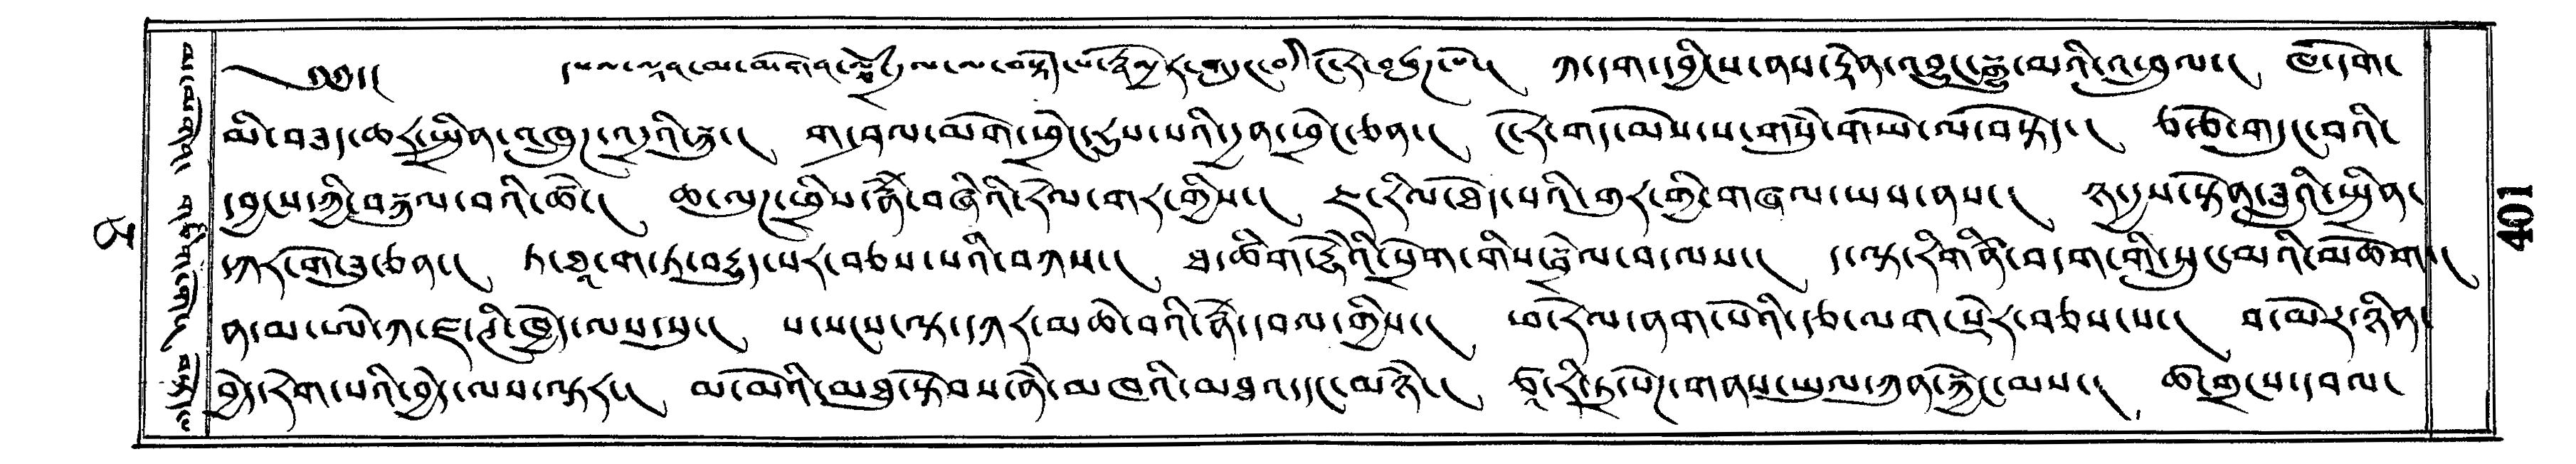༄༅། དཔལ་ལྡན་མ་མགོན་ལྕམ་དྲལ་ལ་བསྟོད་པ་རྣལ་འབྱོར་གདུང་བའི་ང་རོ་བཞུགས་སོ། ཀ་དག་དབྱིངས་ནས་རྟེན་འབྱུང་སྒྱུ་མའི་འཕྲུལ། ཁ་དོག་
མི་བཟད་ཆར་སྤྲིན་འཁྲུགས་འདྲའི་སྐུ། །ག་ཤལ་མགོ་ཕྲེང་རུས་པའི་རྒྱན་ཕྲེང་ཅན། །ང་རོའི་གད་མོས་ས་གསུམ་གཡོ་ལ་བསྟོད། །ཅ་ཅོ་གདུང་བའི་
དབྱངས་ཀྱིས་བསྐུལ་བའི་ཚེ། །ཆ་ལུགས་ཕྲིན་ལས་རྣམ་བཞིའི་རོལ་གར་གྱིས། །ཇ་རིལ་ཐོད་པའི་གུར་གྱི་གཞལ་ཡས་ནས། །ཉ་རྒྱས་སྟོན་ཟླའི་སྤྲིན་
དཀར་གོ་ཟུ་ཅན། །ཏ་ཐཱ་ག་ཏ་བརྒྱུད་པར་བཅས་པའི་བཀས། །ཐ་ཚིག་རྡོ་རྗེའི་སྲོག་གིས་སྦྲེལ་བ་ལས། །ད་ལྟ་རིག་འཛིན་བདག་གི་སྲུང་མའི་མཆོག །
ན་མ་ཨེ་ཀ་ཛ་ཊི་ཁྱེད་ལས་སུ། །པ་སངས་ལྟར་དཀར་མཆེ་བའི་རྣོ་དབལ་གྱིས། །ཕ་རོལ་ནག་པོའི་རྩ་ལག་སྡེར་བཅས་པ། །བ་མོར་ཉིན་
བྱེད་རེག་པའི་བྱེད་ལས་ལྟར། །མ་མོའི་མཐུ་སྟོབས་ནམ་མཁའི་མཐའ་དང་མཉམ། །ཙཱ་རི་ཏྲ་སོགས་གནས་ཡུལ་ཀུན་སྐྱོང་མས། །ཚ་གྲང་དབལ་